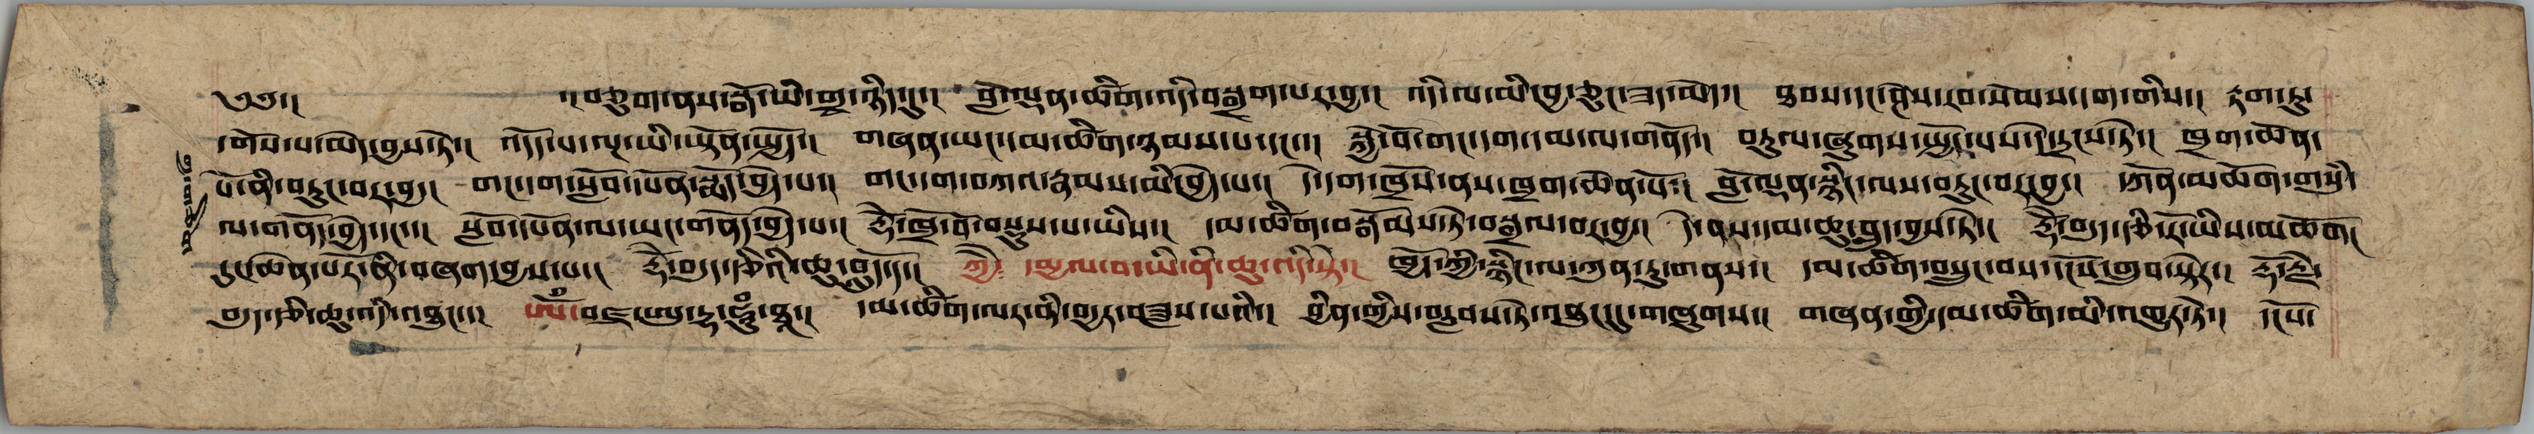༄༅་། ་།བཅུག་ནས་སྒོ་ཡི་གྲྭ་ཉིད་དུ་། བློ་ལྡན་ཚིག་འདི་བསྒྲགས་པར་བྱ་། འདི་ལ་མི་བྱ་ཅུང་ཟད་མེད་། ཐབས་དང་ཤེས་རབ་སེམས་དག་གིས་། རྟག་ཏུ་
དགོས་པ་མེད་བྱས་ཏེ་། འདོད་པ་ལྔ་ཡི་ཡྟོན་སྤྱོད་། གཞན་ཡང་དམ་ཚིག་ཉམས་པ་དང་་། སྐྱེ་བོ་གང་དག་དམ་ལ་གནོད་། བཏུལ་ཞུགས་སྤྱོད་པས་དེ་དྲངས་ཏེ་། ཁྲག་ཆེན་
པོ་ནི་བཏུང་བར་བྱ་། གང་དག་སློབ་དཔོན་སྨོད་བྱེད་པ་། གང་དག་བཀའ་རྣམས་མི་བྱེད་པ་། དེ་དག་ཁྲོས་ནས་ཁྲག་ཆེན་པོ་། བློ་ལྡན་སྙིང་ལས་བཏུང་བར་བྱ་། དཀོན་མཆོག་གསུཾ་
ལ་གནོད་བྱེད་དང་་། སློབ་དཔོན་ལ་ཡང་གནོད་བྱེད་པ་། རྡོེ་ཁྲོ་བོ་བསྡུས་པ་ཡིས་། དམ་ཚིག་བསྒོམས་ཏེ་བསྒྲལ་བར་བྱ་། དེ་ནས་དམ་ཆུ་བླུད་བྱས་ཏེ་། རྡོེ་བདུད་རྩི་རོ་ཡིས་མཆོག།
དུང་ཆེན་པོར་ནི་བཞག་བྱས་པ་། རྡོེ་བདུད་རྩིའི་ཆུ་བླུད་དོ་། ཀྱཻ་ དམྱལ་བ་ཡི་ནི་ཆུ་འདི་སྟེ་། ཁྱོད་ཀྱི་སྙིང་ལ་ཀུན་ཏུ་གནས་། དམ་ཚིག་བསྲུང་བས་དངོས་གྲུབ་སྟེར་། རྡོ་རྗེ་
བདུད་རྩི་ཆུ་འདི་འཐུང་་། ཨོཾ་བཛྲ་ཨུ་དྷ་ཧཱུཾ་ཐཱ་། དམ་ཚིག་ལར་ནི་བདྱར་བཟླས་པའི་། བྱིན་གྱིས་བརླབས་ཏེ་འཐུང་ངུ་གཞུགས་། གཞན་གྱི་དམ་ཚིག་མི་འགྱུར་ཏེ་། དངོས་